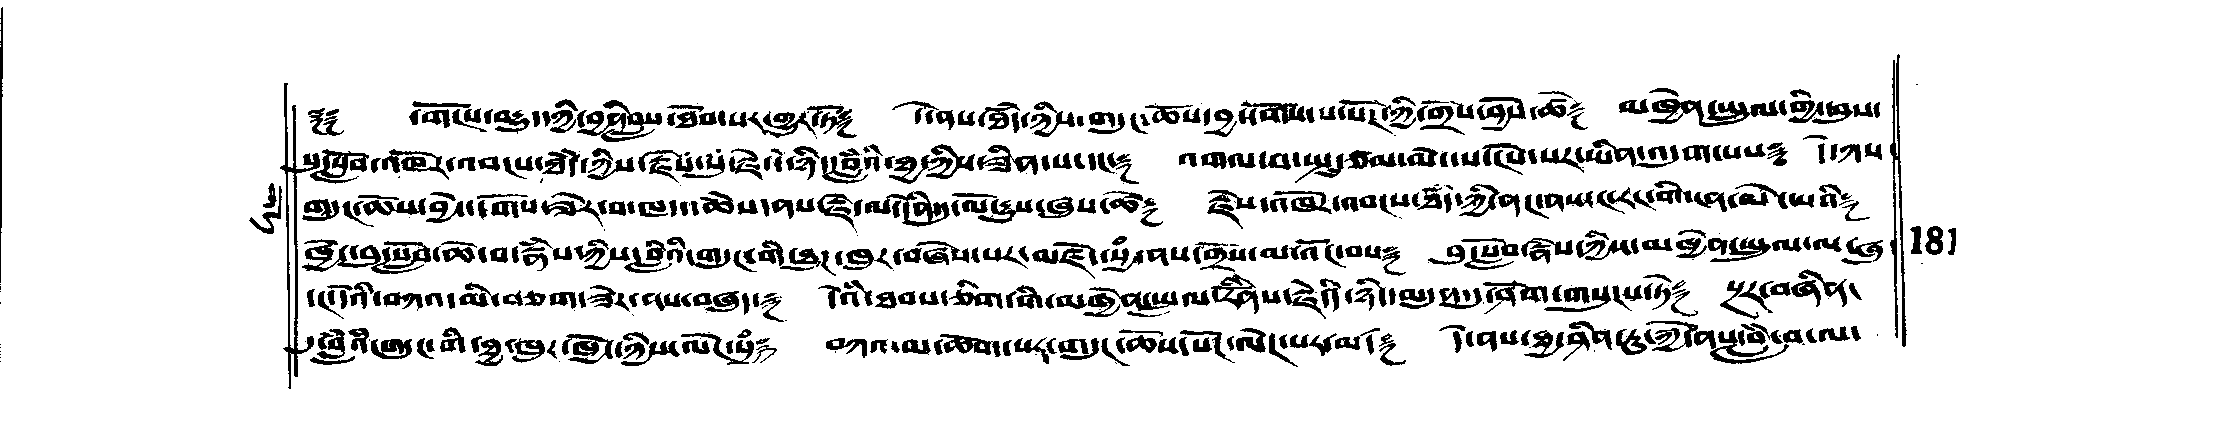དགོངས་བརྒྱུད་ཀྱི་བྱིན་རླབས་ཐོབ་པར་གྱུར་ཏོ། དེ་ནས་ཐམས་ཅད་ཀྱིས་གདུང་ཆོས་བྱ་དགོས་པ་སོགས་ཀྱི་གྲོས་བྱས་ཚེ། མཁྱེན་སྤྲུལ་གྱི་དབུས་
སུ་སློབ་འཁོར་འབངས་ཐམས་ཅད་ཀྱིས་རྗེས་སུ་རྗེ་དེ་ཉིད་བླ་མའི་ཐུགས་ཀྱིས་ཟིན་པ་དང་། འགལ་བ་སྤུ་ཙམ་མེད་པ་ངེས་པར་ཡིན་འདུག་པས། དེ་ཀས་
གདུང་ཆོས་བྱེད་དགོས་ཟེར་བ་ཁ་འཆམས་ནས་རྗེ་ལ་དེ་བཞིན་དུ་ལོ་རྒྱུས་ཞུས་ཚེ།རྗེས་འཁོར་འབངས་ཐམས་ཅད་ཀྱི་ནང་ནས་ང་རང་གི་ངན་མེད་པའི། 
ཁྱེད་བུ་སློབ་ཆེ་བ་རྣམས་ཀྱིས་བླ་མའི་གདུང་གི་ཐུགས་ཁུར་བཞེས་པར་མཛོད་གསུངས་ནས་གྲོས་མ་འོང་བས། བུ་སློབ་རྣམས་ཀྱིས་མཁྱེན་སྤྲུལ་ལ་ཞུ་
དང་དེའི་བཀའ་མི་བཅག་ཟེར་ནས་བཞུད། དེའི་ཐབས་ཅིག་གི་མཁྱེན་སྤྲུལ་རིན་པོ་ཆེས་རྗེའི་ཉིད་མདུན་དུ་ཤོག་གསུངས་ཏེ། སྔར་བཞིན་
དུ་བླ་མའི་གདུང་གི་ཐུགས་ཁུར་ཁྱོད་ཀྱིས་ལེགས་གསུངས། བཀའ་མ་ཆོག་པར་གདུང་ཆོས་སོགས་ལེགས་པར་མཛད། དེ་ནས་ཐུགས་ཤིན་ཏུ་སྐྱོ་ནས་བླ་མ་ལ་